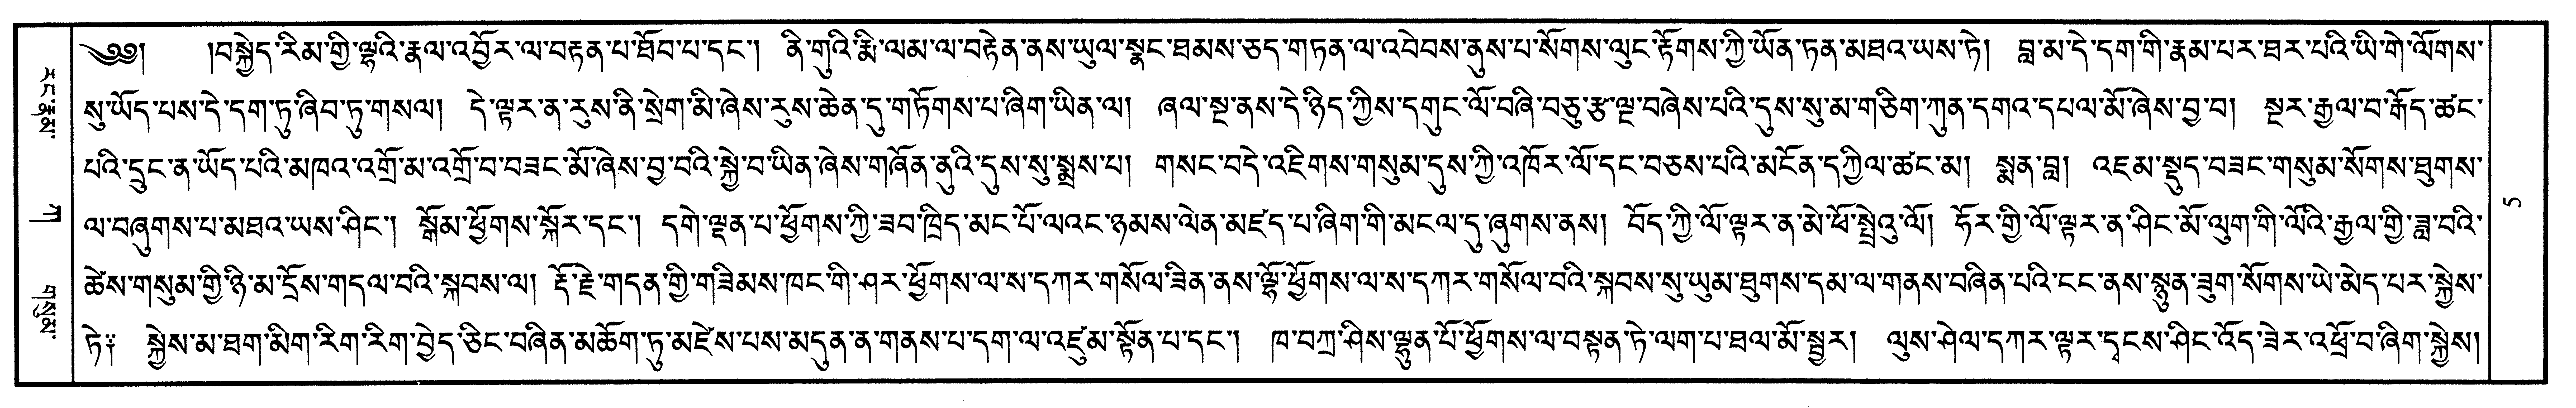༄༅། །བསྐྱེད་རིམ་གྱི་ལྷའི་རྣལ་འབྱོར་ལ་བརྟན་པ་ཐོབ་པ་དང་། ནི་གུའི་རྨི་ལམ་ལ་བརྟེན་ནས་ཡུལ་སྣང་ཐམས་ཅད་གཏན་ལ་འབེབས་ནུས་པ་སོགས་ལུང་རྟོགས་ཀྱི་ཡོན་ཏན་མཐའ་ཡས་ཏེ། བླ་མ་དེ་དག་གི་རྣམ་པར་ཐར་པའི་ཡི་གེ་ལོགས་
སུ་ཡོད་པས་དེ་དག་ཏུ་ཞིབ་ཏུ་གསལ། དེ་ལྟར་ན་རུས་ནི་སྲེག་མི་ཞེས་རུས་ཆེན་དུ་གཏོགས་པ་ཞིག་ཡིན་ལ། ཞལ་སྔ་ནས་དེ་ཉིད་ཀྱིས་དགུང་ལོ་བཞི་བཅུ་རྩ་ལྔ་བཞེས་པའི་དུས་སུ་མ་གཅིག་ཀུན་དགའ་དཔལ་མོ་ཞེས་བྱ་བ། སྔར་རྒྱལ་བ་རྒོད་ཚང་
པའི་དྲུང་ན་ཡོད་པའི་མཁའ་འགྲོ་མ་འགྲོ་བ་བཟང་མོ་ཞེས་བྱ་བའི་སྐྱེ་བ་ཡིན་ཞེས་གཞོན་ནུའི་དུས་སུ་སྨྲས་པ། གསང་བདེ་འཇིགས་གསུམ་དུས་ཀྱི་འཁོར་ལོ་དང་བཅས་པའི་མངོན་དཀྱིལ་ཚང་མ། སྨན་བླ། འཇམ་སྡུད་བཟང་གསུམ་སོགས་ཐུགས་
ལ་བཞུགས་པ་མཐའ་ཡས་ཤིང་། སྒོམ་ཕྱོགས་སྐོར་དང་། དགེ་ལྡན་པ་ཕྱོགས་ཀྱི་ཟབ་ཁྲིད་མང་པོ་ལའང་ཉམས་ལེན་མཛད་པ་ཞིག་གི་མངལ་དུ་ཞུགས་ནས། བོད་ཀྱི་ལོ་ལྟར་ན་མེ་ཕོ་སྤྲེའུ་ལོ། ཧོར་གྱི་ལོ་ལྟར་ན་ཤིང་མོ་ལུག་གི་ལོའི་རྒྱལ་གྱི་ཟླ་བའི་
ཚེས་གསུམ་གྱི་ཉི་མ་དྲོས་གདལ་བའི་སྐབས་ལ། རྡོ་རྗེ་གདན་གྱི་གཟིམས་ཁང་གི་ཤར་ཕྱོགས་ལ་ས་དཀར་གསོལ་ཟིན་ནས་ལྷོ་ཕྱོགས་ལ་ས་དཀར་གསོལ་བའི་སྐབས་སུ་ཡུམ་ཐུགས་དམ་ལ་གནས་བཞིན་པའི་ངང་ནས་སྙུན་ཟུག་སོགས་ཡེ་མེད་པར་སྐྱེས་
ཏེ། སྐྱེས་མ་ཐག་མིག་རིག་རིག་བྱེད་ཅིང་བཞིན་མཆོག་ཏུ་མཛེས་པས་མདུན་ན་གནས་པ་དག་ལ་འཛུམ་སྟོན་པ་དང་། ཁ་བཀྲ་ཤིས་ལྷུན་པོ་ཕྱོགས་ལ་བསྟན་ཏེ་ལག་པ་ཐལ་མོ་སྦྱར། ལུས་ཤེལ་དཀར་ལྟར་དྭངས་ཤིང་འོད་ཟེར་འཕྲོ་བ་ཞིག་སྐྱེས།